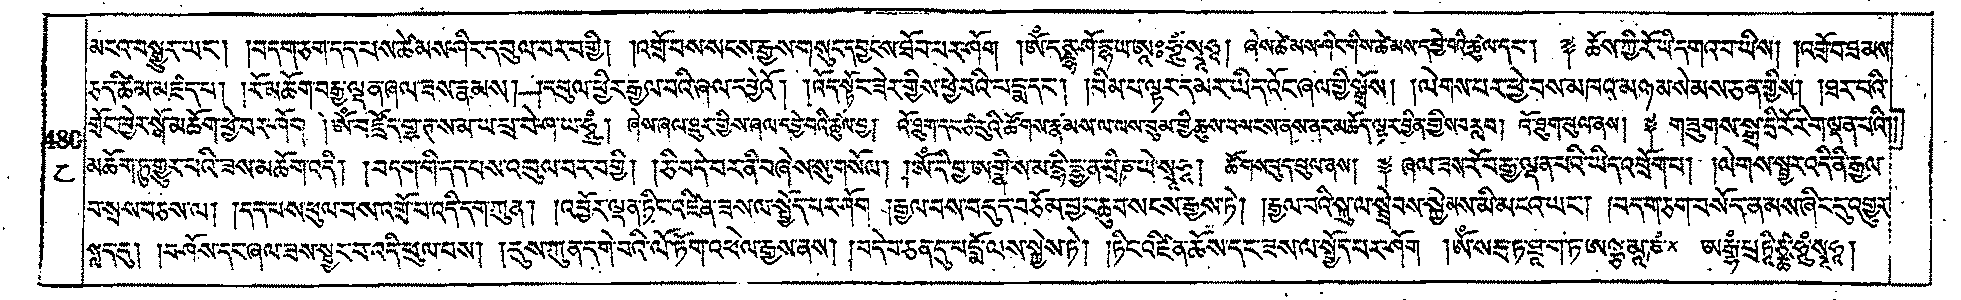མངའ་བསྒྱུར་ཡང་། །བདག་ཅག་དད་པས་ཚེམས་ཤིང་དབུལ་བར་བགྱི། །འགྲོ་བས་སངས་རྒྱས་གསུང་དབྱངས་ཐོབ་པར་ཤོག །ཨོཾ་དནྡྷ་ཤོ་དྷ་ཡ་ཨཱཿཧཱུཾ་སྭཱཧཱ། ཞེས་ཚེམས་ཤིང་གིས་ཚེམས་དབྱེ་བའི་ཚུལ་དང་།  འ་ཆོས་ཀྱི་རོ་ཡི་དགའ་བ་ཡིས། །འགྲོ་བ་ཐམས་
ཅད་ཚིམ་མཛད་པ། །རོ་མཆོག་བརྒྱ་ལྡན་ཞལ་ཟས་རྣམས། །དབུལ་ཕྱིར་རྒྱལ་བའི་ཞལ་དབྱེའོ། །འོད་སྟོང་ཟེར་གྱིས་ཕྱེ་བའི་པདམ་དང་། །བིམ་པ་ལྟར་དམར་ཡིད་འོང་ཞལ་གྱི་སྒྲོས། །ལེགས་པར་ཕྱེ་བས་མཁའ་མཉམ་སེམས་ཅན་གྱིས། །ཐར་པའི་
གྲོང་ཁྱེར་སྒོ་མཆོག་ཕྱེ་བར་ཤོག །ཨོཾ་བཛྲོད་གྷ་ཊ་ས་མ་ཡ་པྲ་བེ་ཤ་ཡ་ཧཱུཾ། ཞེས་ཞལ་ཐུར་གྱིས་ཞལ་དབྱེ་བའི་ཚུལ་བྱ། འོ་ཐུག་དང་ཙ་རུའི་ཚོགས་རྣམས་ལ་ལས་བུམ་གྱི་ཆུས་བསངས་ནས་ནང་མཆོད་ལྟར་བྱིན་གྱིས་བརླབ། འོ་ཐུག་ཕུལ་ནས།  འ་གཟུགས་སྒྲ་དྲི་རོ་རེག་ལྡན་པའི། །
མཆོག་ཏུ་གྱུར་པའི་ཟས་མཆོག་འདི། །བདག་གི་དད་པས་འབུལ་བར་བགྱི། །ཅི་བདེ་བར་ནི་བཞེས་སུ་གསོལ། །ཨོཾ་དི་བྱ་ཨགནི་ས་མ་དྷིདྷྱ་ན་པྲི་ཎ་ཡེ་སྭཱཧཱ། ཚོགས་ཕུད་ཕུལ་ནས།  འ་ཞལ་ཟས་རོ་བརྒྱ་ལྡན་པའི་ཡིད་འཕྲོག་པ། །ལེགས་སྦྱར་འདི་ནི་རྒྱལ་
བ་སྲས་བཅས་ལ། །དད་པས་ཕུལ་བས་འགྲོ་བ་འདི་དག་ཀུན། །འབྱོར་ལྡན་ཏིང་འཛིན་ཟས་ལ་སྤྱོད་པར་ཤོག །རྒྱལ་བས་བདུད་བཅོམ་བྱང་ཆུབ་སངས་རྒྱས་ཏེ། །རྒྱལ་བའི་སྐུ་ལ་སྦྲེབས་སྐྱེམས་མི་མངའ་ཡང་། །བདག་ཅག་བསོད་ནམས་ཞིང་དུ་འགྱུར་
སླད་དུ། །བཤོས་དང་ཞལ་ཟས་སྦྱར་བ་འདི་ཕུལ་བས། །དུས་ཀུན་དགེ་བའི་ལོ་ཏོག་འཕེལ་རྒྱས་ནས། །བདེ་བ་ཅན་དུ་པདམོ་ལས་སྐྱེས་ཏེ། །ཏིང་ངེ་འཛིན་ཆོས་དང་ཟས་ལ་སྤྱོད་པར་ཤོག །ཨོཾ་སརྦ་ཏ་ཐཱ་ག་ཏ་ཨཉྩ་མཱ་ཎཾ་྾་ཨརྒྷཾ་པྲ་ཏཱི་ཙྪ་ཧཱུཾ་སྭཱཧཱ།